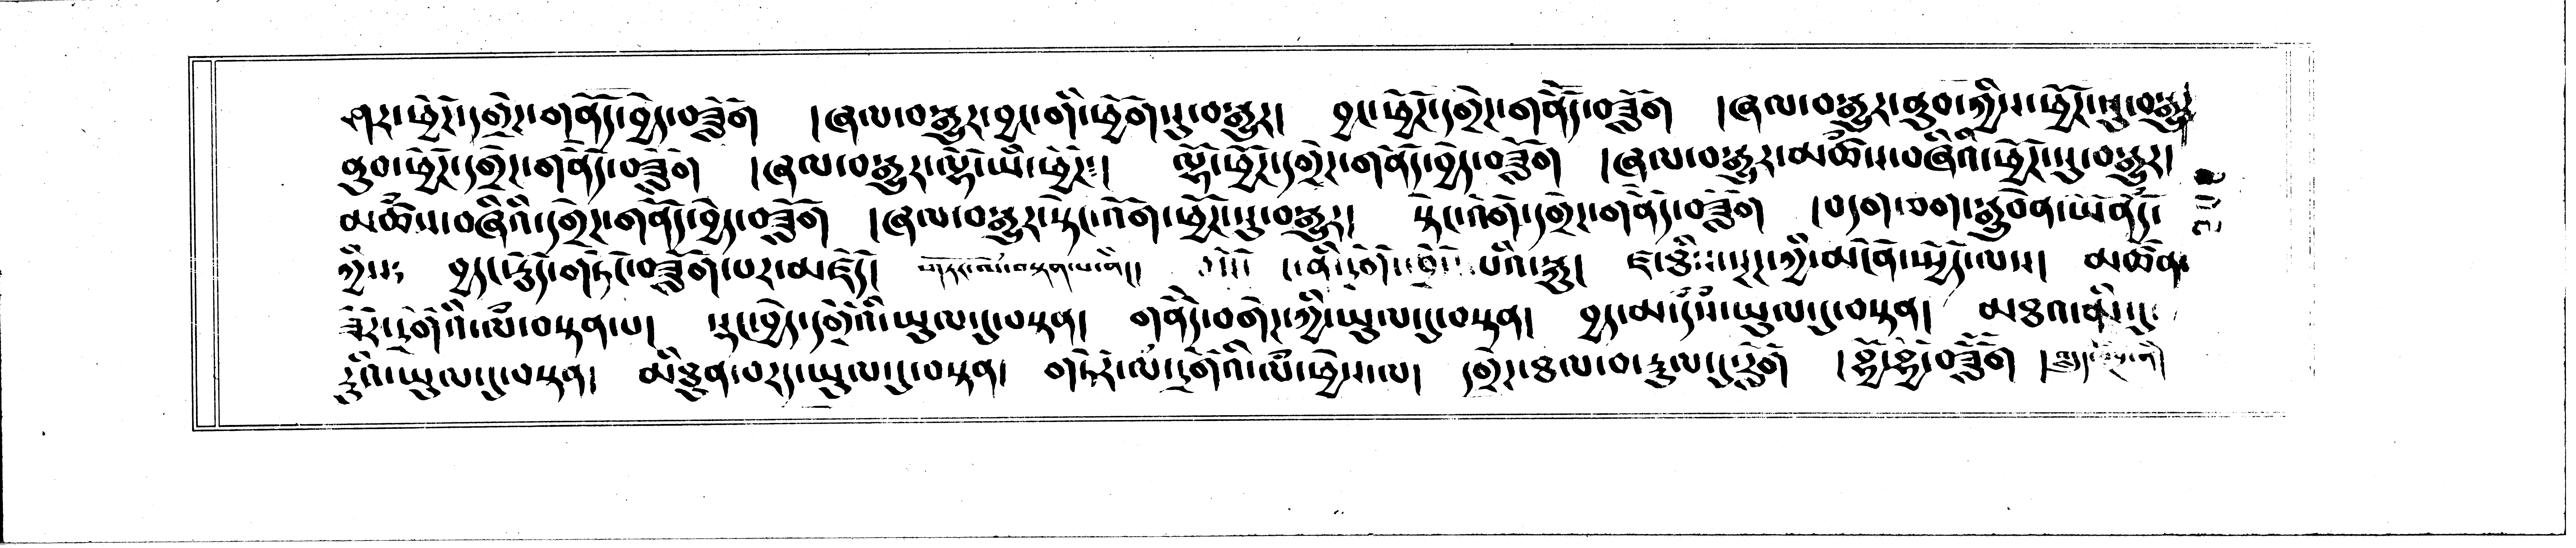ཤར་ཕྱོགས་དགྲེགས་གནོད་བྱེད་བཟློག། ཞལ་བསྒྱུར་བྱང་གི་ཕྱོགས་སུ་བསྒྱུར། བྱང་ཕྱོགས་དགྲེགས་གནོད་བྱེད་བཟློག། ཞལ་བསྒྱུར་ནུབ་ཀྱི་ཕྱོགས་སུ་བསྒྱུར།
 ནུབ་ཕྱོགས་དགྲེགས་གནོད་བྱེད་བཟློག། ཞལ་བསྒྱུར་ལྷོ་ཡི་ཕྱོགས་སུ་བསྒྱུར། ལྷོ་ཕྱོགས་དགྲེགས་གནོད་བྱེད་བཟློག ཞལ་བསྒྱུར་མཚམས་བཞིའི་ཕྱོགས་སུ་བསྒྱུར།
 མཚམས་བཞིའི་དགྲེགས་གནོད་བྱེད་བཟློག། ཞལ་བསྒྱུར་སྟེང་འོག་ཕྱོགས་སུ་བསྒྱུར། སྟེང་འོག་དགྲེགས་གནོད་བྱེད་བཟློག། བདག་ཅག་སྒྲུབ་གཤེན་ཡོན་མཆོད་
ཀྱིས། བྱད་དང་རྦོད་གཏོང་བཟློག་པར་མཛོད། གཏོར་ལམ་བསྟན་པ་ནི།། བསྭོ། ང་ནི་དྲག་པོ་ཁྲོས་པའི་སྐུ། ཛ་ཐིས་སྔགས་ཀྱི་མངོན་སྤྱོད་ལས། མཚོན་
ཟོར་དྲག་པོའི་ལམ་བསྟན་པ། སྡང་བྱེད་དགྲ་བོའི་ཡུལ་དུ་བསྟན། གནོད་བྱེད་བགེགས་ཀྱི་ཡུལ་དུ་བསྟན། བྱད་མ་དམ་ཉམས་ཡུལ་དུ་བསྟན། མཐའ་མི་དུ་
རུའི་ཡུལ་དུ་བསྟན། མི་མཐུན་བར་ཆད་ཡུལ་དུ་བསྟན།གཏོར་ལམ་དྲག་པོའི་ལམ་ཕྱེས་ལ། དགྲ་བགེགས་ཐལ་བ་རྡུལ་དུ་རློག། བྷྱོ་བྷྱོ་བཟློག་བཟློག། གླུད་བསྔོ་ནི།